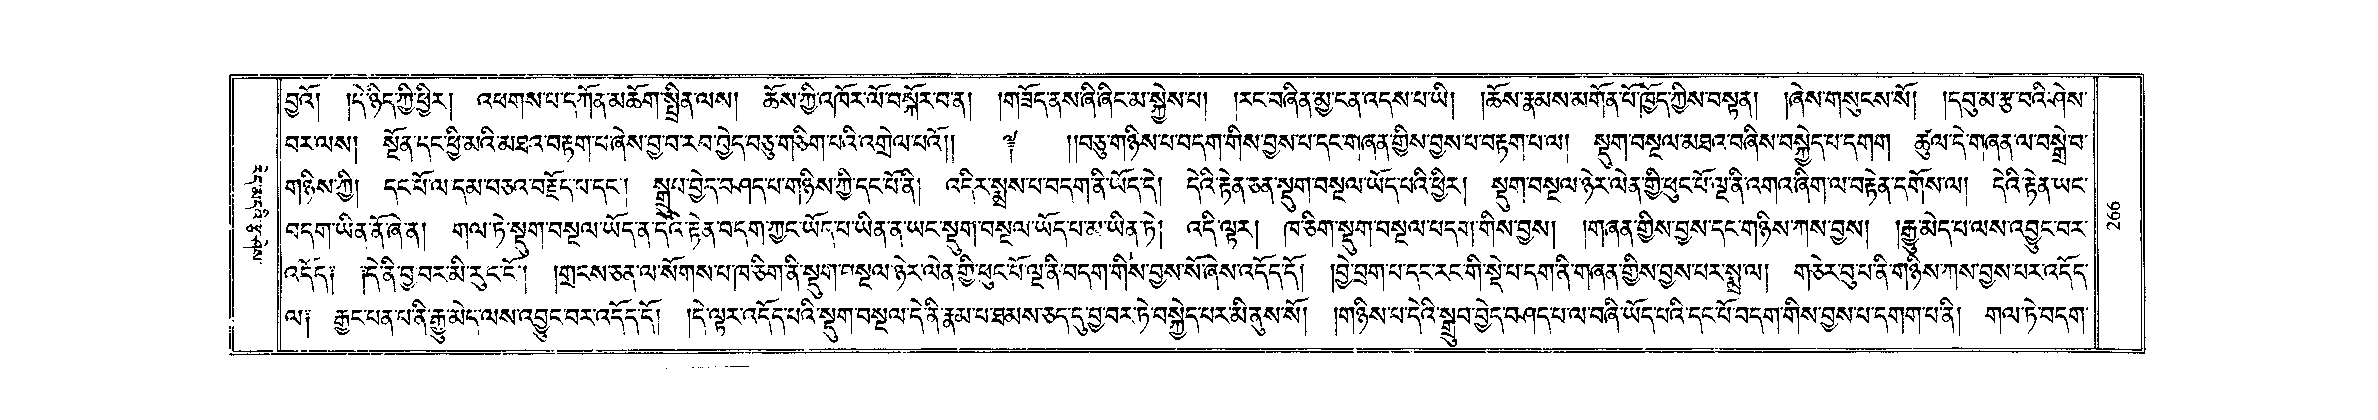བྱའོ། །དེ་ཉིད་ཀྱི་ཕྱིར། འཕགས་པ་དཀོན་མཆོག་སྤྲིན་ལས། ཆོས་ཀྱི་འཁོར་ལོ་བསྐོར་བ་ན། །གཟོད་ནས་ཞི་ཞིང་མ་སྐྱེས་པ། །རང་བཞིན་མྱ་ངན་འདས་པ་ཡི། །ཆོས་རྣམས་མགོན་པོ་ཁྱོད་ཀྱིས་བསྟན། །ཞེས་གསུངས་སོ། །དབུ་མ་རྩ་བའི་ཤེས་
བར་ལས། སྔོན་དང་ཕྱི་མའི་མཐའ་བརྟག་པ་ཞེས་བྱ་བ་རབ་བྱེད་བཅུ་གཅིག་པའི་འགྲེལ་པའོ།། ༈ །།བཅུ་གཉིས་པ་བདག་གིས་བྱས་པ་དང་གཞན་གྱིས་བྱས་པ་བརྟག་པ་ལ། སྡུག་བསྔལ་མཐའ་བཞིས་བསྐྱེད་པ་དགག་ཚུལ་དེ་གཞན་ལ་བསྒྲེ་བ་
གཉིས་ཀྱི། དང་པོ་ལ་དམ་བཅའ་བརྗོད་པ་དང་། སྒྲུབ་བྱེད་བཤད་པ་གཉིས་ཀྱི་དང་པོ་ནི། འདིར་སྨྲས་པ་བདག་ནི་ཡོད་དེ། དེའི་རྟེན་ཅན་སྡུག་བསྔལ་ཡོད་པའི་ཕྱིར། སྡུག་བསྔལ་ཉེར་ལེན་གྱི་ཕུང་པོ་ལྔ་ནི་འགའ་ཞིག་ལ་བརྟེན་དགོས་ལ། དེའི་རྟེན་ཡང་
བདག་ཡིན་ནོ་ཞེ་ན། གལ་ཏེ་སྡུག་བསྔལ་ཡོད་ན་དེའི་རྟེན་བདག་ཀྱང་ཡོད་པ་ཡིན་ན་ཡང་སྡུག་བསྔལ་ཡོད་པ་མ་ཡིན་ཏེ། འདི་ལྟར། ཁ་ཅིག་སྡུག་བསྔལ་བདག་གིས་བྱས། །གཞན་གྱིས་བྱས་དང་གཉིས་ཀས་བྱས། །རྒྱུ་མེད་པ་ལས་འབྱུང་བར་
འདོད༑ ༑དེ་ནི་བྱ་བར་མི་རུང་ངོ། །གྲངས་ཅན་ལ་སོགས་པ་ཁ་ཅིག་ནི་སྡུག་བསྔལ་ཉེར་ལེན་གྱི་ཕུང་པོ་ལྔ་ནི་བདག་གིས་བྱས་སོ་ཞེས་འདོད་དོ། །བྱེ་བྲག་པ་དང་རང་གི་སྡེ་པ་དག་ནི་གཞན་གྱིས་བྱས་པར་སྨྲ་ལ། གཅེར་བུ་པ་ནི་གཉིས་ཀས་བྱས་པར་འདོད་
ལ༑ རྒྱང་པན་པ་ནི་རྒྱུ་མེད་ལས་འབྱུང་བར་འདོད་དོ། །དེ་ལྟར་འདོད་པའི་སྡུག་བསྔལ་དེ་ནི་རྣམ་པ་ཐམས་ཅད་དུ་བྱ་བར་ཏེ་བསྐྱེད་པར་མི་ནུས་སོ། །གཉིས་པ་དེའི་སྒྲུབ་བྱེད་བཤད་པ་ལ་བཞི་ཡོད་པའི་དང་པོ་བདག་གིས་བྱས་པ་དགག་པ་ནི། གལ་ཏེ་བདག་